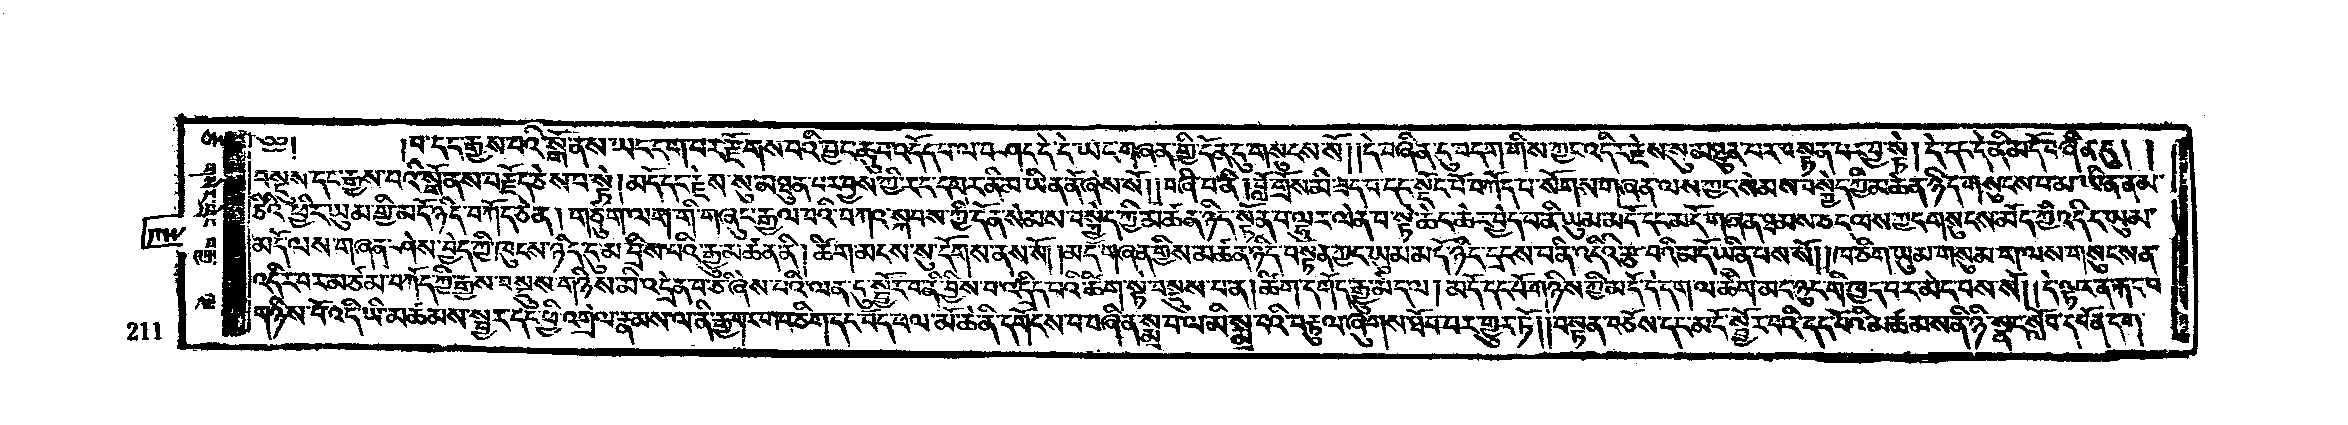༄༅། །བ་དང་རྒྱས་པའི་སྒོ་ནས་ཡང་དག་པར་རྫོགས་པའི་བྱང་ཆུབ་འདོད་པ་ལ་བཤད་དེ་དེ་ཡང་གཞན་གྱི་དོན་དུ་གསུངས་སོ། །དེ་བཞིན་དུ་བདག་གིས་ཀྱང་འདིར་རྗེས་སུ་མཐུན་པར་བསྟན་པར་བྱ་སྟེ། དེ་དང་དེ་ནི་མདོ་བཞིན་དུ། །
བསྡུས་དང་རྒྱས་པའི་སྒོ་ནས་བརྗོད་ཅེས་པ་སྟེ། མདོ་དང་རྗེས་སུ་མཐུན་པར་བྱས་ཀྱི་རང་དགར་ནི་མ་ཡིན་ནོ་ཞེས་སོ། །བཞི་པ་ནི། བློ་གྲོས་མི་ཟད་པ་དང་སྡོང་པོ་བཀོད་པ་སོགས་གཞན་ལས་ཀྱང་སེམས་བསྐྱེད་ཀྱི་མཚན་ཉིད་གསུངས་པ་མ་ཡིན་ནམ་
ཅིའི་ཕྱིར་ཡུམ་གྱི་མདོ་ཉིད་བཀོད་ཅེ་ན། བཙུག་ལག་གི་གཞུང་རྒྱལ་བའི་བཀའ་སྐབས་ཀྱི་དོན་སེམས་བསྐྱེད་ཀྱི་མཚན་ཉིད་སྟོན་པ་ལྷུར་ལེན་པ་སྟེ་ཆེད་ཆེར་བྱེད་པ་ནི་ཡུམ་མདོ་དང་མདོ་གཞན་ཐམས་ཅད་ལས་ཀྱང་གསུངས་མོད་ཀྱི་འདིར་ཡུམ་
མདོ་ལས་གཞན་ཤེས་བྱེད་ཀྱི་ཁུངས་ཉིད་དུ་མ་བྲིས་པའི་རྒྱུ་མཚན་ནི། ཚིག་མངས་སུ་དོགས་ནས་སོ། །མདོ་གཞན་གྱིས་མཚན་ཉིད་བསྟན་ཀྱང་ཡུམ་མདོ་ཉིད་དྲངས་པ་ནི་འདིའི་རྩ་བའི་མདོ་ཡིན་པས་སོ། །ཁ་ཅིག་ཡུམ་གསུམ་ག་ལས་གསུངས་ན་
འདིར་བར་མ་ཙམ་བཀོད་ཀྱི་རྒྱས་བསྡུས་གཉིས་མི་འདྲེན་པ་ཅི་ཞེས་པའི་ལན་དུ་སྦྱོར་བ་ནི་བྱིས་པ་འདྲིད་པའི་ཚིག་སྟེ་བསྡུས་པ་ན། ཚིག་དགོད་རྒྱུ་མེད་ལ། མདོ་དང་པོ་གཉིས་ཀྱི་མདོ་དེ་དག་ལ་ཚིག་མང་ཉུང་གི་ཁྱད་པར་མེད་པས་སོ། །དེ་ལྟར་ན་རྐང་པ་
གཉིས་པོ་འདི་ཡི་མཚམས་སྦྱར་དང་ཕྱི་འགྲེལ་རྣམས་ལ་ནི་རྒྱ་གར་བ་ཁ་ཅིག་དང་བོད་ཕལ་མོ་ཆེ་ནི་དགོངས་པ་བཞིན་སྨྲ་བ་ལ་མི་སྨྲ་བའི་བརྟུལ་ཞུགས་ཐོབ་པར་གྱུར་ཏོ། །བསྟན་བཅོས་དང་མདོ་སྦྱོར་བའི་དང་པོའི་མཚམས་ནི་ཉི་སྣང་སློབ་དཔོན་དག་